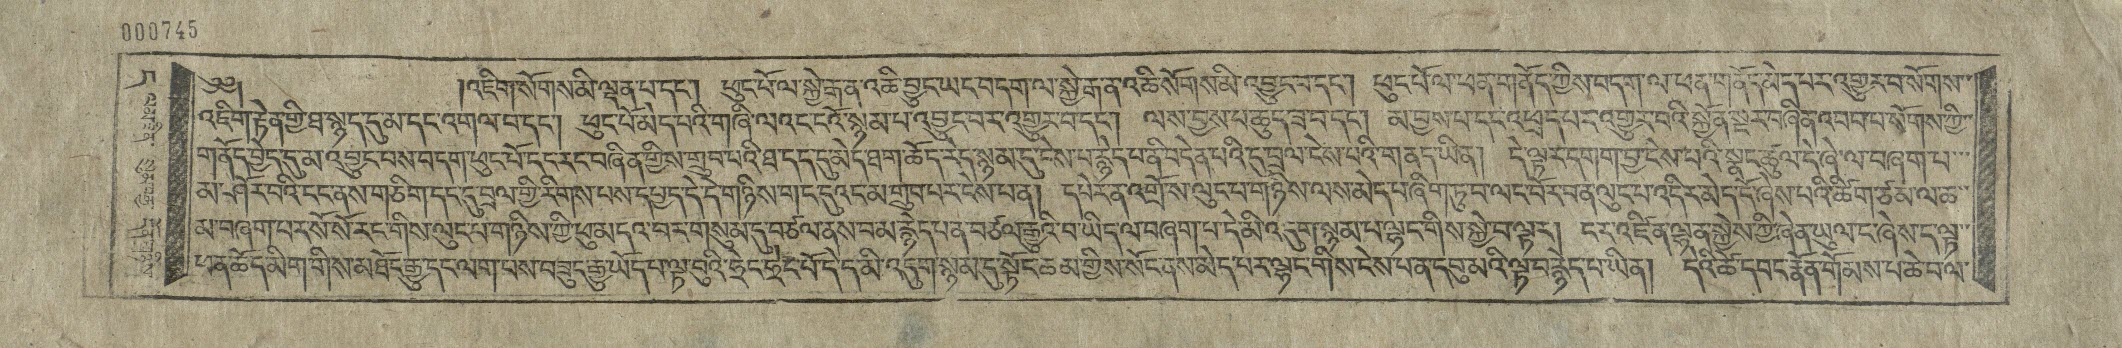༄༅། །འཇིག་སོགས་མི་ལྡན་པ་དང་། ཕུང་པོ་ལ་སྐྱེ་རྒ་ན་འཆི་བྱུང་ཡང་བདག་ལ་སྐྱེ་རྒ་ན་འཆི་སོགས་མི་འབྱུང་བ་དང་། ཕུང་པོ་ལ་ཕན་གནོད་ཀྱིས་བདག་ལ་ཕན་གནོད་མེད་པར་འགྱུར་བ་སོགས་
འཇིག་རྟེན་གྱི་ཐ་སྙད་དུ་མ་དང་འགལ་བ་དང་། ཕུང་པོ་མེད་པའི་གཞི་ལའང་ངའོ་སྙམ་པ་འབྱུང་བར་འགྱུར་བ་དང་། ལས་བྱས་པ་ཆུད་ཟ་བ་དང་། མ་བྱས་པ་དང་འཕྲད་པར་འགྱུར་བའི་སྐྱོན་སྔར་བཞིན་འབབ་པ་སོགས་ཀྱི་
གནོད་བྱེད་དུ་མ་འབྱུང་བས་བདག་ཕུང་པོ་དང་རང་བཞིན་གྱིས་གྲུབ་པའི་ཐ་དད་དུ་མེད་ཐག་ཆོད་རེད་སྙམ་དུ་ངེས་པ་རྙེད་པ་ནི་བདེན་པའི་དུ་བྲལ་ངེས་པའི་གནད་ཡིན། དེ་ལྟར་དགག་བྱ་ངེས་པའི་སྣང་ཚུལ་དེ་ཞེ་ལ་བཞག་པ་
མ་ཤོར་བའི་དང་ནས་གཅིག་དང་དུ་བྲལ་གྱི་རིགས་པས་དཔྱད་དེ་དེ་གཉིས་གང་དུའང་མ་གྲུབ་པར་ངེས་པ་ན། དཔེར་ན་འགྲོ་ས་ལུང་པ་གཉིས་ལས་མེད་པ་ཞིག་ཏུ་བ་ལང་བོར་བ་ན་ལུང་པ་འདིར་མེད་དོ་ཞེས་པའི་ཚིག་ཙམ་ལ་ཆ་
མ་བཞག་པར་སོ་སོ་རང་གིས་ལུང་པ་གཉིས་ཀྱི་ཕུ་མདའ་བར་གསུམ་དུ་བཙལ་ནས་བ་མ་རྙེད་པ་ན་བཙལ་རྒྱུའི་བ་ཡིད་ལ་བཞག་པ་དེ་མི་འདུག་སྙམ་པ་ལྷང་གིས་སྐྱེ་བ་ལྟར། ངར་འཛིན་ལྷན་སྐྱེས་ཀྱི་ཞེན་ཡུལ་ང་ཞེས་ད་ལྟ་
ཕན་ཆོད་མིག་གིས་མཐོང་རྒྱུ་དང་ལག་པས་བཟུང་རྒྱུ་ཡོད་པ་ལྟ་བུའི་ཧྲེང་ཧྲེང་པོ་དེ་ད་མི་འདུག་སྙམ་དུ་སྟོང་ཆམ་གྱིས་སོང་ནས་མེད་པར་ལྷང་གིས་ངེས་པ་ན་དབུ་མའི་ལྟ་བ་རྙེད་པ་ཡིན། དེའི་ཚེ་དབང་རྣོན་གོམས་པ་ཆེ་བ་ལ་